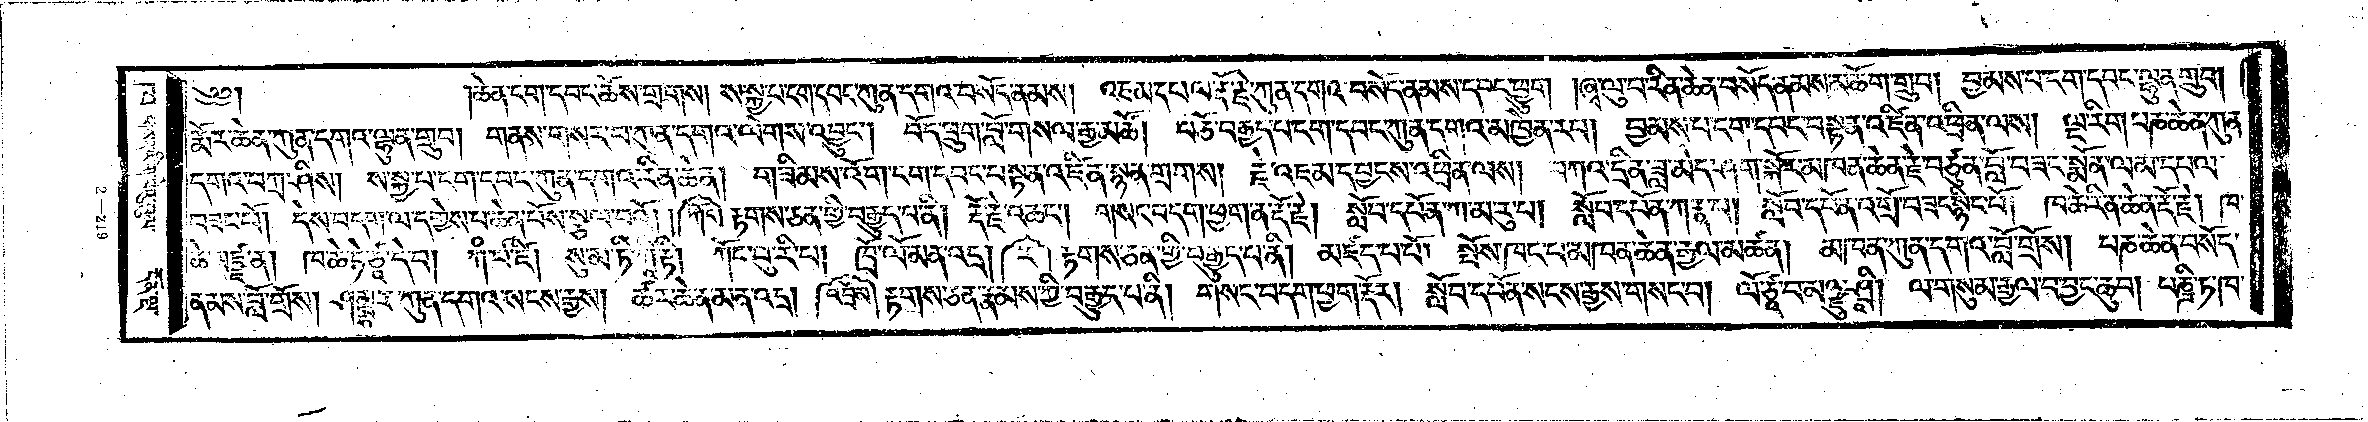༄༅། །ཆེན་ངག་དབང་ཆོས་གྲགས། ས་སྐྱ་པ་ངག་དབང་ཀུན་དགའ་བསོད་ནམས། འཇམ་དཔལ་རྡོ་རྗེ་ཀུན་དགའ་བསོད་ནམས་དབང་ཕྱུག །ཞྭ་ལུ་བ་རིན་ཆེན་བསོད་ནམས་མཆོག་གྲུབ། བྱམས་པ་ངག་དབང་ལྷུན་གྲུབ།
རྨོར་ཆེན་ཀུན་དགའ་ལྷུན་གྲུབ། གནས་གསར་བ་ཀུན་དགའ་ལེགས་འབྱུང་། བོད་ཕྲུག་བློ་གསལ་རྒྱ་མཚོ། བཅོ་བརྒྱད་པ་ངག་དབང་ཀུན་དགའ་མཁྱེན་རབ། བྱམས་པ་ངག་དབང་བསྟན་འཛིན་འཕྲིན་ལས། ལྔ་རིག་པཎ་ཆེན་ཀུན་
དགའ་བཀྲ་ཤིས། ས་སྐྱ་པ་ངག་དབང་ཀུན་དགའ་རིན་ཆེ། གཟིམས་འོག་ངག་དབང་པ་སྟན་འཛིན་སྙན་གྲགས། རྗེ་འཇམ་དབྱངས་འཕྲིན་ལས། བཀའ་དྲིན་ཟླ་མེད་ཤག་སྐོར་མཁན་ཆེན་རྗེ་བཙུན་བློ་བཟང་སྨོན་ལམ་དཔལ་
བཟང་པོ། དེས་བདག་ལ་དགྱེས་པ་ཆེན་པོས་སྩལ་བའོ། །༼ཀོང༽ རྟགས་ཅན་གྱི་བརྒྱུད་པ་ནི། རྡོ་རྗེ་འཆང་། གསང་བདག་ཕྱག་ན་རྡོ་རྗེ། སློབ་དཔོན་དཀའ་མ་རུ་པ། སློབ་དཔོན་ཀརྣ་པ། སློབ་དཔོན་འགྲོ་བཟང་སྙིང་པོ། ཁ་ཆེ་རིན་ཆེན་རྡོ་རྗེ། ཁ་
ཆེས་ཛྫ་ན། ཁ་ཆེ་ཏེ་ཙཱ་དེ་བ། ཀ྾་པ་ཛི། སུ་མ་ཏི་ཀའི་རྟི། ཀོང་བུ་རི་པ། ཁྲོ་ལོ་མན་འདྲ། ༼ར༽ རྟགས་ཅན་གྱི་བརྒྱུད་པ་ནི། མཛད་པ་པོ། སྤོས་ཁང་པ་མཁན་ཆེན་རྒྱལ་མཚན། མཁན་ཀུན་དགའ་བློ་གྲོས། པཎ་ཆེན་བསོད་
ནམས་བློ་གྲོས། ཤམ་བར་ཀུན་དགའ་སངས་རྒྱས། ཚར་ཆེན་མན་འདྲ། ༼འབྲོ་མ༽ རྟགས་ཅན་རྣམས་ཀྱི་བརྒྱུད་པ་ནི། གསང་བདག་ཕྱག་རྡོར། སློབ་དཔོན་སངས་རྒྱས་གསང་བ། ལོ་ཙཱ་བ་མཉྫུ་ཤྲཱི། ལ་གསུམ་རྒྱལ་བ་བྱང་ཆུབ། པཎྜི་ཏ་ཁ་